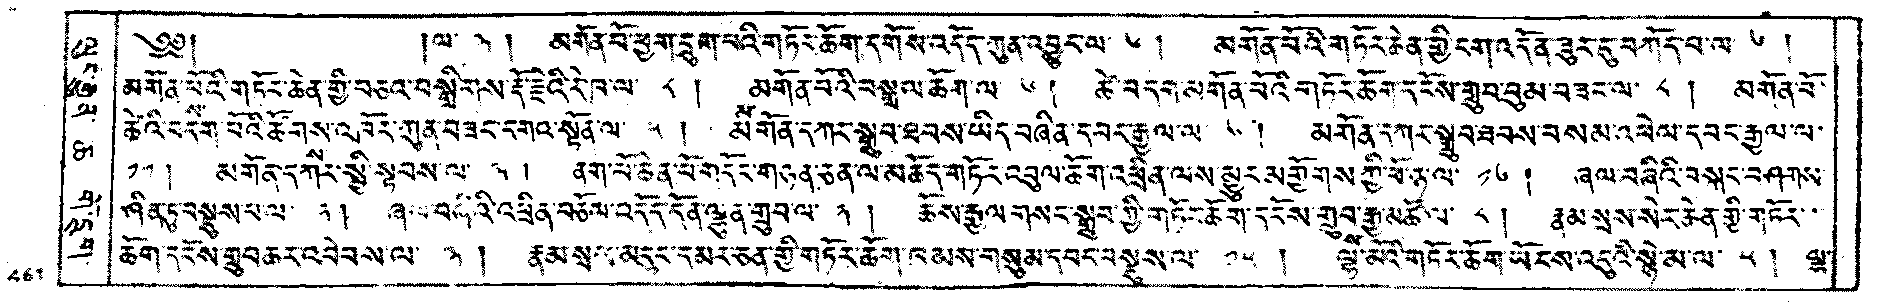༄༅། །ལ ༣། མགོན་པོ་ཕྱག་དྲུག་པའི་གཏོར་ཆོག་དགོས་འདོད་ཀུན་འབྱུང་ལ ༦། མགོན་པོའི་གཏོར་ཆེན་གྱི་ངག་འདོན་ཟུར་དུ་བཀོད་པ་ལ ༦།
མགོན་པོའི་གཏོར་ཆེན་གྱི་བཅའ་བསྒྲིགས་རྡོ་རྗེའི་རེ་ཁ་ལ ༨། མགོན་པོའི་བསྒྲལ་ཆོག་ལ ༦། ཚེ་བདག་མགོན་པོའི་གཏོར་ཆོག་དངོས་གྲུབ་བུམ་བཟང་ལ ༨། མགོན་པོ་
ཚེའི་ས་བདག་པོའི་ཚོགས་འཁོར་ཀུན་བཟང་དགའ་སྟོན་ལ ༥། མ་མགོན་དཀར་སྒྲུབ་ཐབས་ཡིད་བཞིན་དབང་རྒྱལ་ལ ༦། མགོན་དཀར་སྒྲུབ་ཐབས་བསམ་འཕེལ་དབང་རྒྱལ་ལ་
༡༡། མགོན་དཀར་ས་སྤྱི་སྟབས་ལ ༣། ནག་པོ་ཆེན་པོ་གདོང་གཉན་ཅན་ལ་མཆོད་གཏོར་འབུལ་ཆོག་འཕྲིན་ལས་མྱུར་མགྱོགས་ཀྱི་ཕོ་ཉ་ལ ༡༦། ཞལ་བཞིའི་བསྐང་བཤགས་
ཤིན་ཏུ་བསྡུས་པ་ལ ༢། ཞལ་བཞིའི་འཕྲིན་བཅོལ་འདོད་དོན་ལྷུན་གྲུབ་ལ ༢། ཆོས་རྒྱལ་གསང་སྒྲུབ་ཀྱི་གཏོར་ཆོག་དངོས་གྲུབ་རྒྱ་མཚོ་ལ ༨། རྣམ་སྲས་སེར་ཆེན་གྱི་གཏོར་
ཆོག་དངོས་གྲུབ་ཆར་འབེབས་ལ ༣། རྣམ་སྲས་མདུང་དམར་ཅན་གྱི་གཏོར་ཆོག་ཁམས་གསུམ་དབང་བསྡུས་ལ ༡༥། ལྷ་ས་མོའི་གཏོར་ཆོག་ཡོངས་འདུའི་སྙེ་མ་ལ ༥། ལྷ་